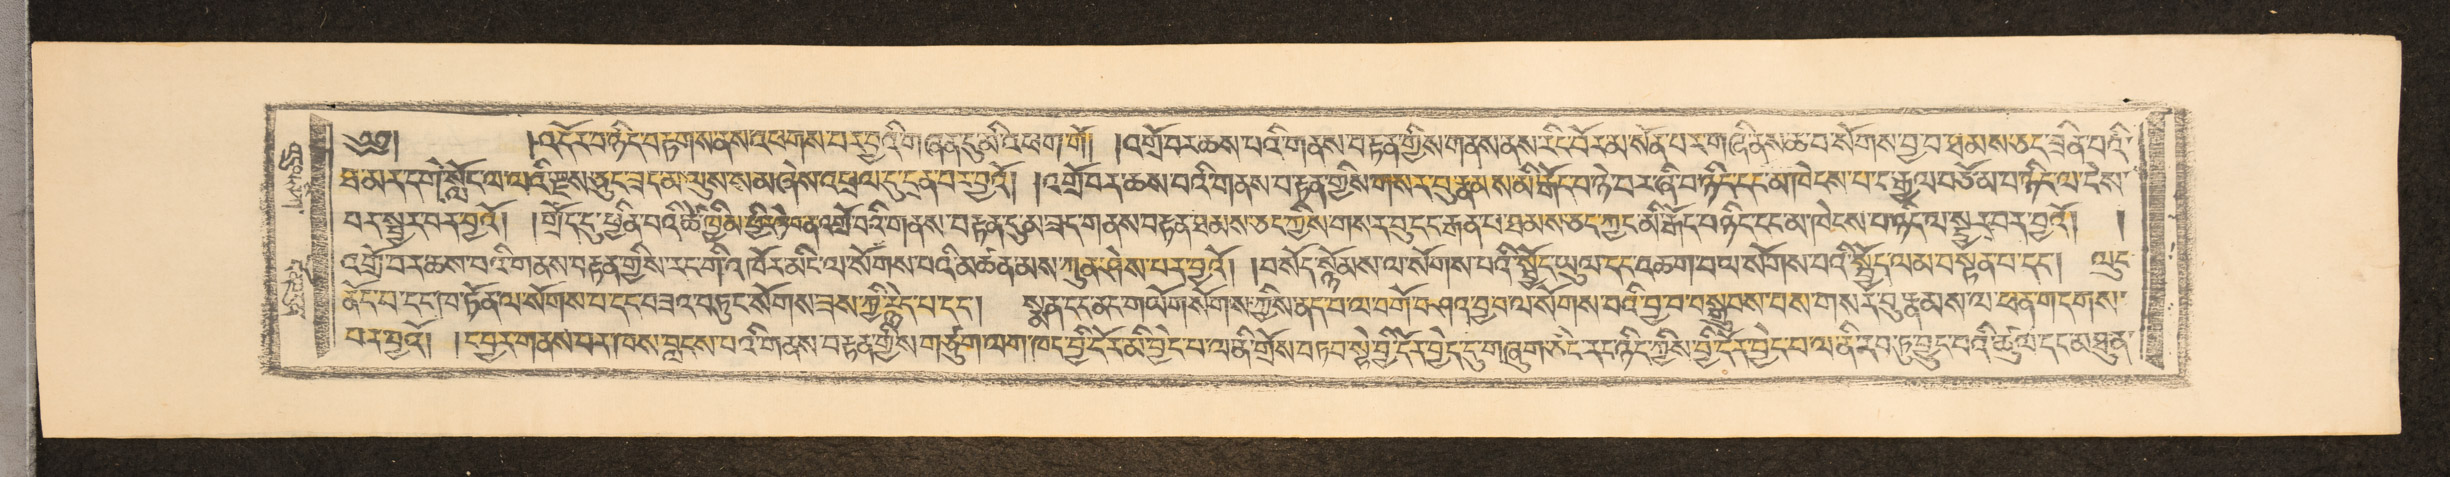༄༅། །འདོར་བ་ཉིད་བརྟགས་ནས་འཕགས་པར་བྱའི་གཞན་དུ་མི་འཕྱག་གོ། །འགྲོ་བར་ཆས་པའི་གནས་བརྟན་གྱིས་གནས་ནས་རིང་བོར་མ་སོན་པར་གཞི་ནས་ཆ་བ་སོགས་བྱ་བ་ཐམས་ཅད་ཟིན་པའི་
ཐ་མར་དགེ་སློང་ལ་ལའི་རྫས་ཅུང་ཟད་མ་ལུས་སམ་ཞེས་འཕྲལ་དུ་དྲན་པར་བྱའོ། །འགྲོ་བར་ཆས་པའི་གནས་བརྟན་གྱིས་གསར་བུ་རྣམས་མི་རྒོད་པ་ཉེ་བར་ཞི་བ་ཉིད་དང་མ་ཁེངས་པ་ང་རྒྱལ་བཅོམ་པ་ཉིད་ལ་དེས་
པར་སྦྱར་བར་བྱའོ། །གྲོད་དུ་ཕྱིན་པའི་ཚེ་ཁྱིམ་ཕྱིར་ཉེ་བ་ན་འགྲོ་བའི་གནས་བརྟན་དུ་མ་ཟད་གནས་བརྟན་ཐམས་ཅད་ཀྱིས་གསར་བུ་དང་རྒན་པ་ཐམས་ཅད་ཀྱང་མི་རྒོད་པ་ཉིད་དང་མ་ཁེངས་པ་ཉིད་ལ་སྦྱར་བར་བྱའོ། །
འགྲོ་བར་ཆས་པའི་གནས་བརྟན་གྱིས་རང་གི་འཁོར་མིང་ལ་སོགས་པའི་མཚན་མས་ཀུན་ཤེས་པར་བྱའོ། །བསོད་སྙོམས་ལ་སོགས་པའི་སྤྱོད་ཡུལ་དང་འཆག་པ་ལ་སོགས་པའི་སྤྱོད་ལམ་བསྟན་པ་དང་། ལུང་
ནོད་པ་དང་ཁ་ཏོན་ལ་སོགས་པ་དང་བཟའ་བཏུང་སོགས་ཟས་ཀྱི་རྙེད་པ་དང་། སྨན་དང་ནད་གཡོག་སོགས་ཀྱིས་ནད་པ་ལ་བགོ་བཤའ་བྱ་བ་ལ་སོགས་པའི་བྱ་བ་བསྒྲུབས་པས་གསར་བུ་རྣམས་ལ་ཕན་གདགས་
པར་བྱའོ། །དབྱར་གནས་པར་ཁས་བླངས་པའི་གནས་བརྟན་གྱིས་གཙུག་ལག་ཁང་བྱི་དོར་མི་བྱེད་པ་ལ་ནི་གྲོས་བཏབ་སྟེ་བྱི་དོར་བྱེད་དུ་གཞུག་ཅིང་རང་ཉིད་ཀྱིས་བྱི་དོར་བྱེད་བ་ལ་ནི་རབ་ཏུ་བྱུང་བའི་ཚུལ་དང་མཐུན་